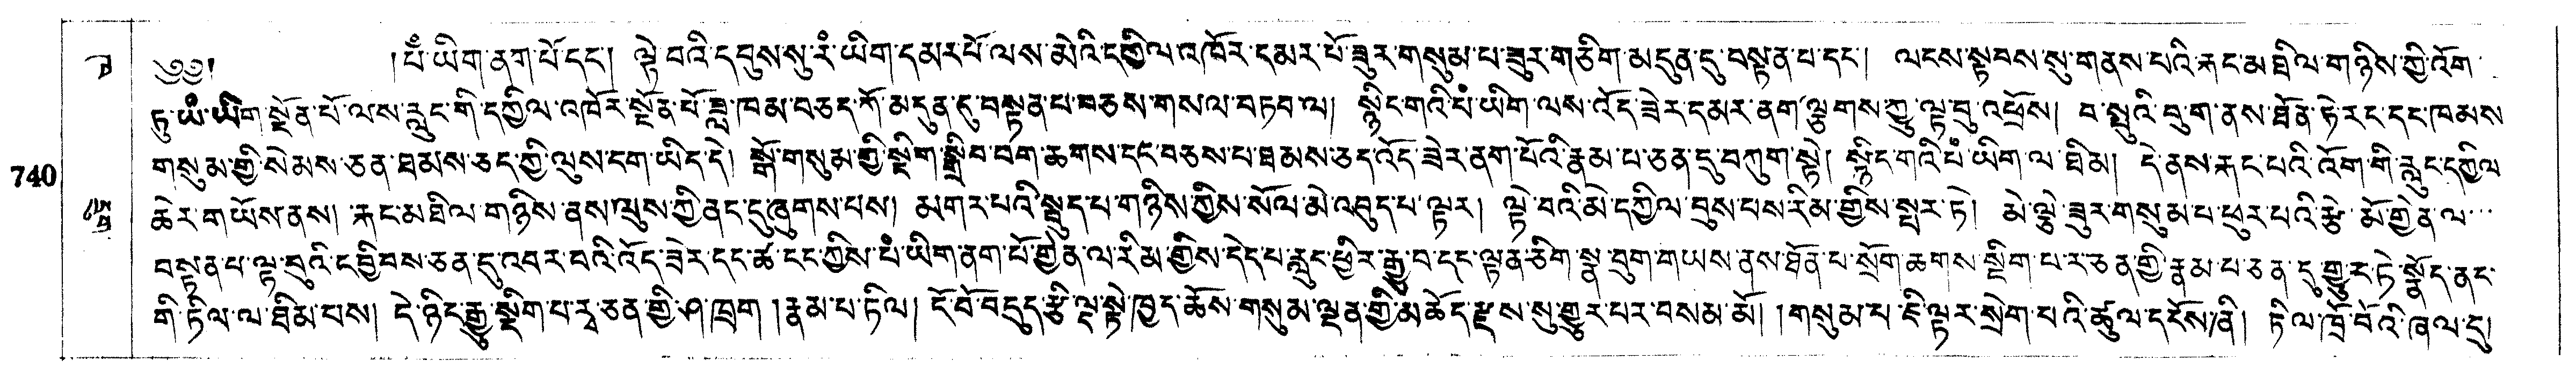༄༅། །པོཾ་ཡིག་ནག་པོ་དང་། ལྟེ་བའི་དབུས་སུ་རཾ་ཡིག་དམར་པོ་ལས་མེའི་དཀྱིལ་འཁོར་དམར་པོ་ཟུར་གསུམ་པ་ཟུར་གཅིག་མདུན་དུ་བསྟན་པ་དང་། ལངས་སྟབས་སུ་གནས་པའི་རྐང་མཐིལ་གཉིས་ཀྱི་འོག་
ཏུ་ཡཾ་ཡིག་སྔོན་པོ་ལས་རླུང་གི་དཀྱིལ་འཁོར་སྔོན་པོ་ཟླ་ཁམ་བཅད་ཀོ་མདུན་དུ་བསྟན་པ་བཅས་གསལ་བཏབ་ལ། སྙིང་གའི་པཾ་ཡིག་ལས་འོད་ཟེར་དམར་ནག་ལྕགས་ཀྱུ་ལྟ་བུ་འཕྲོས། བ་སྤུའི་བུ་ག་ནས་ཐོན་ཏེ་རང་དང་ཁམས་
གསུམ་གྱི་སེམས་ཅན་ཐམས་ཅད་ཀྱི་ལུས་ངག་ཡིད་དེ། སྒོ་གསུམ་གྱི་སྡིག་སྒྲིབ་བག་ཆགས་དང་བཅས་པ་ཐམས་ཅད་འོད་ཟེར་ནག་པོའི་རྣམ་པ་ཅན་དུ་བཀུག་སྟེ། སྙིང་གའི་པཾ་ཡིག་ལ་ཐིམ། དེ་ནས་རྐང་པའི་འོག་གི་རླུང་དཀྱིལ་
ཆེར་གཡོས་ནས། རྐང་མཐིལ་གཉིས་ནས་ལུས་ཀྱི་ནང་དུ་ཞུགས་པས། མགར་པའི་སྦུད་པ་གཉིས་ཀྱིས་སོལ་མེ་འབུད་པ་ལྟར། ལྟེ་བའི་མེ་དཀྱིལ་བུས་པས་རིམ་གྱིས་སྤར་ཏེ། མེ་ལྕེ་ཟུར་གསུམ་པ་ཕུར་པའི་རྩེ་མོ་གྱེན་ལ་
བསྟན་པ་ལྟ་བུའི་དབྱིབས་ཅན་དུ་འབར་བའི་འོད་ཟེར་དང་ཚ་དང་ཀྱིས་པཾ་ཡིག་ནག་པོ་གྱེན་ལ་རིམ་གྱིས་དེད་པ་རླུང་ཕྱིར་རྒྱུ་བ་དང་ལྟན་ཅིག་སྣ་བུག་གཡས་ནས་ཐོན་པ་སྲོག་ཆགས་སྡིག་པ་ར་ཅན་གྱི་རྣམ་པ་ཅན་དུ་གྱུར་ཏེ་སྣོད་ནང་
གི་ཏིལ་ལ་ཐིམ་པས། དེ་ཉིད་རྒྱུ་སྡིག་པ་རྭ་ཅན་གྱི་ཤ་ཁྲག །རྣམ་པ་ཏིལ། ངོ་བོ་བདུད་རྩི་ལྔ་སྟེ་ཁྱད་ཆོས་གསུམ་ལྡན་གྱི་མཆོད་རྫས་སུ་གྱུར་པར་བསམ་མོ། །གསུམ་པ་ཇི་ལྟར་སྲེག་པའི་ཚུལ་དངོས་ནི། ཏིལ་ཁྲོ་བོའི་ཞལ་དུ།